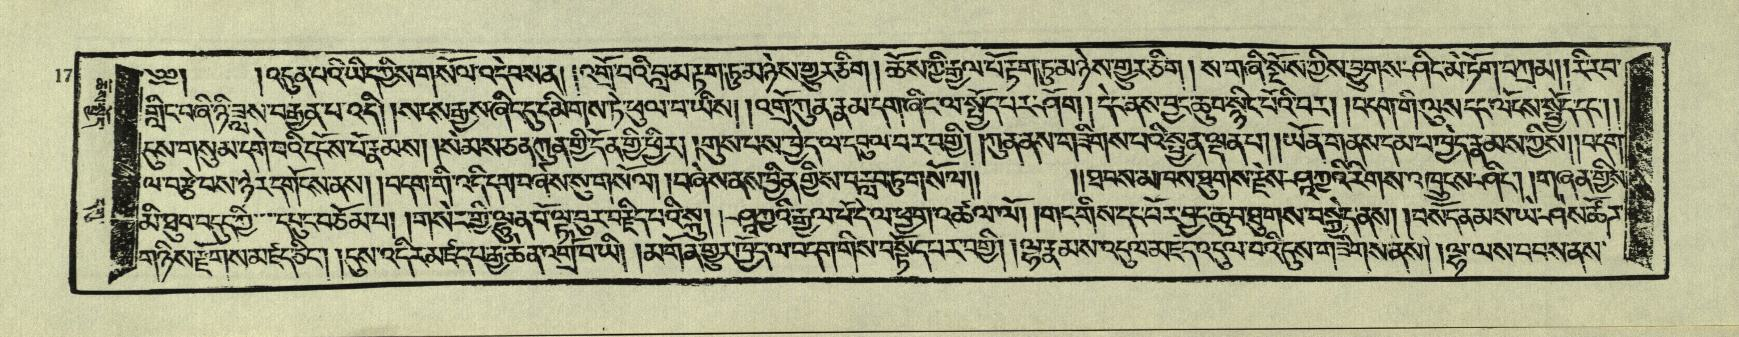༄༅། །འདུན་པའི་ཡིད་ཀྱིས་གསོལ་འདེབས་ན། །འགྲོ་བའི་བླ་མ་རྟག་ཏུ་མཉེས་གྱུར་ཅིག །ཆོས་ཀྱི་རྒྱལ་པོ་རྟག་ཏུ་མཉེས་གྱུར་ཅིག །ས་གཞི་སྔོས་ཀྱིས་བྱུགས་ཤིང་མེ་ཏོག་བཀྲམ། །རི་རབ་
གླིང་བཞི་ཉི་ཟླས་བརྒྱན་པ་འདི། །སངས་རྒྱས་ཞིང་དུ་དམིགས་ཏེ་ཕུལ་བ་ཡིས། །འགྲོ་ཀུན་རྣམ་དག་ཞིང་ལ་སྤྱོད་པར་ཤོག །དེང་ནས་བྱང་ཆུབ་སྙིང་པོའི་བར། །བདག་གི་ལུས་དང་ལོངས་སྤྱོད་དང་། །
དུས་གསུམ་དགེ་བའི་དངོས་པོ་རྣམས། །སེམས་ཅན་ཀུན་གྱི་དོན་གྱི་ཕྱིར། །གུས་པས་བྱེད་ལ་དབུལ་བར་བགྱི། །ཀུན་ནས་གཟིགས་པའི་སྤྱན་ལྡན་པ། །ཡོན་གནས་དམ་པ་ཁྱེད་རྣམས་ཀྱིས། །བདག་
ལ་བརྩེ་བས་ཉེར་དགོངས་ནས། །བདག་གི་འདི་དག་བཞེས་སུ་གསོལ། །བཞེས་ནས་བྱིན་གྱིས་བརླབ་ཏུ་གསོལ།། །།ཐབས་མཁས་ཐུགས་རྗེས་ཤཱཀྱའི་རིགས་འཁྲུངས་ཤིང་། །གཞན་གྱིས་
མི་ཐུབ་བདུད་ཀྱི་དཔུང་བཅོམ་པ། །གསེར་གྱི་ལྷུན་པོ་ལྟ་བུར་བརྗིད་པའི་སྐུ། །ཤཱཀྱའི་རྒྱལ་པོ་དེ་ལ་ཕྱག་འཚལ་ལོ། །གང་གིས་དང་པོར་བྱང་ཆུབ་ཐུགས་བསྐྱེད་ནས། །བསོད་ནམས་ཡེ་ཤེས་ཚོཌ་
གཉིས་རྫོགས་མཛད་ཅིང་། །དུས་འདིར་མཛད་པ་རྒྱ་ཆེན་འགྲོ་བ་ཡི། །མགོན་གྱུར་ཁྱོད་ལ་བདག་གིས་བསྟོད་པར་བགྱི། །ལྷ་རྣམས་འདུལ་མཛད་འདུལ་བའི་དུས་གཟིགས་ནས། །ལྷ་ལས་བབས་ནས་